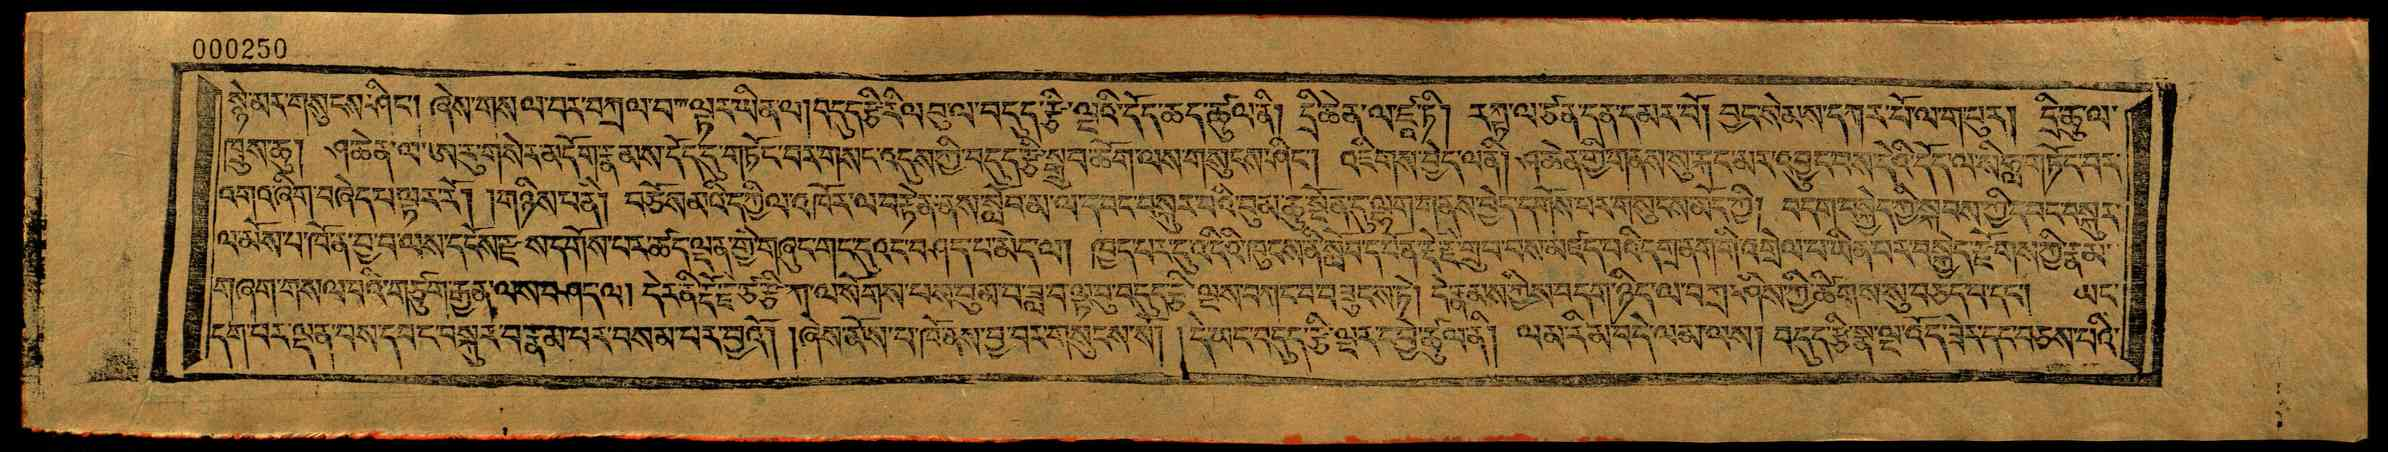སྙེ་མར་གསུངས་ཤིང་། ཞེས་གསལ་བར་བཀྲལ་བ་ལྟར་ཡིན་ལ། བདུད་རྩི་རིལ་བུ་ལ་བདུད་རྩི་ལྔའི་དོད་ཚང་ཚུལ་ནི། དྲི་ཆེན་ལ་ཛཱ་ཏི། རཀྟ་ལ་ཙན་དན་དམར་པོ། བྱང་སེམས་དཀར་པོ་ལ་ག་པུར། དྲི་ཚུལ་
ཁྲུས་ཆུ། ཤ་ཆེན་ལ་ཨ་རུ་གསེར་མདོག་རྣམས་དོད་དུ་གཏོང་བར་གསང་འདུས་ཀྱི་བདུད་རྩི་སྒྲུབ་ཆོག་ལས་གསུངས་ཤིང་། འཇིགས་བྱེད་ལ་ནི། ཤ་ཆེན་གྱི་གནས་སུ་རྐང་མར་འབྱུང་བས་དེའི་དོད་ལ་སིཧླགཏོང་བར་
འགའ་ཞིག་བཞེད་པ་ལྟར་རོ། །གཉིས་པ་ནི། བཅོས་མའི་དཀྱིལ་འཁོར་ལ་བརྟེན་ནས་སློབ་མ་ལ་དབང་བསྐུར་བའི་བུམ་ཆུ་སྔོན་དུ་ལྷག་གནས་བྱེད་དགོས་པར་གསུངས་མོད་ཀྱི། བདག་བསྐྱེད་ཀྱི་སྐབས་ཀྱི་དབང་བསྐུར་
ལ་མོས་པ་ཁོ་ན་བྱ་བ་ལས་དངོས་རྫས་དགོས་པར་ཚད་ལྡན་གྱི་གཞུང་གང་དུའང་བཤད་པ་མེད་ལ། ཁྱད་པར་དུ་འདིའི་ཁུངས་ནི་སློབ་དཔོན་རྡོ་རྗེ་གྲུབ་པས་མཛད་པའི་དགྲ་ནག་གི་འགྲེལ་པ་ཡིན་པར་བསྐྱེད་རྫོགས་ཀྱི་རྣམ་
གཞག་གསལ་བའི་གཙུག་རྒྱན་ལས་བཤད་ལ། དེར་ནི་རྡོ་རྗེ་ཙ་རྩི་ཀ་ལ་སོགས་པས་བུམ་པ་ཟླ་བ་ལྟ་བུ་བདུད་རྩི་ལྔས་བཀང་བ་བཟུངས་ཏེ། དེ་རྣམས་ཀྱིས་བདག་ཉིད་ལ་བཀྲ་ཤིས་ཀྱི་ཚིགས་སུ་བཅད་པ་དང་། ཡང་
དག་པར་ལྡན་པས་དབང་བསྐུར་བ་རྣམ་པར་བསམ་པར་བྱའོ། །ཞེས་མོས་པ་ཁོ་ནས་བྱ་བར་གསུངས་སོ། །དེ་ཡང་བདུད་རྩི་ལྔར་དབྱེ་ཚུལ་ནི། ལམ་རིམ་བདེ་ལམ་ལས། བདུད་རྩི་སྣ་ལྔ་འོད་ཟེར་དང་བཅས་པའི་